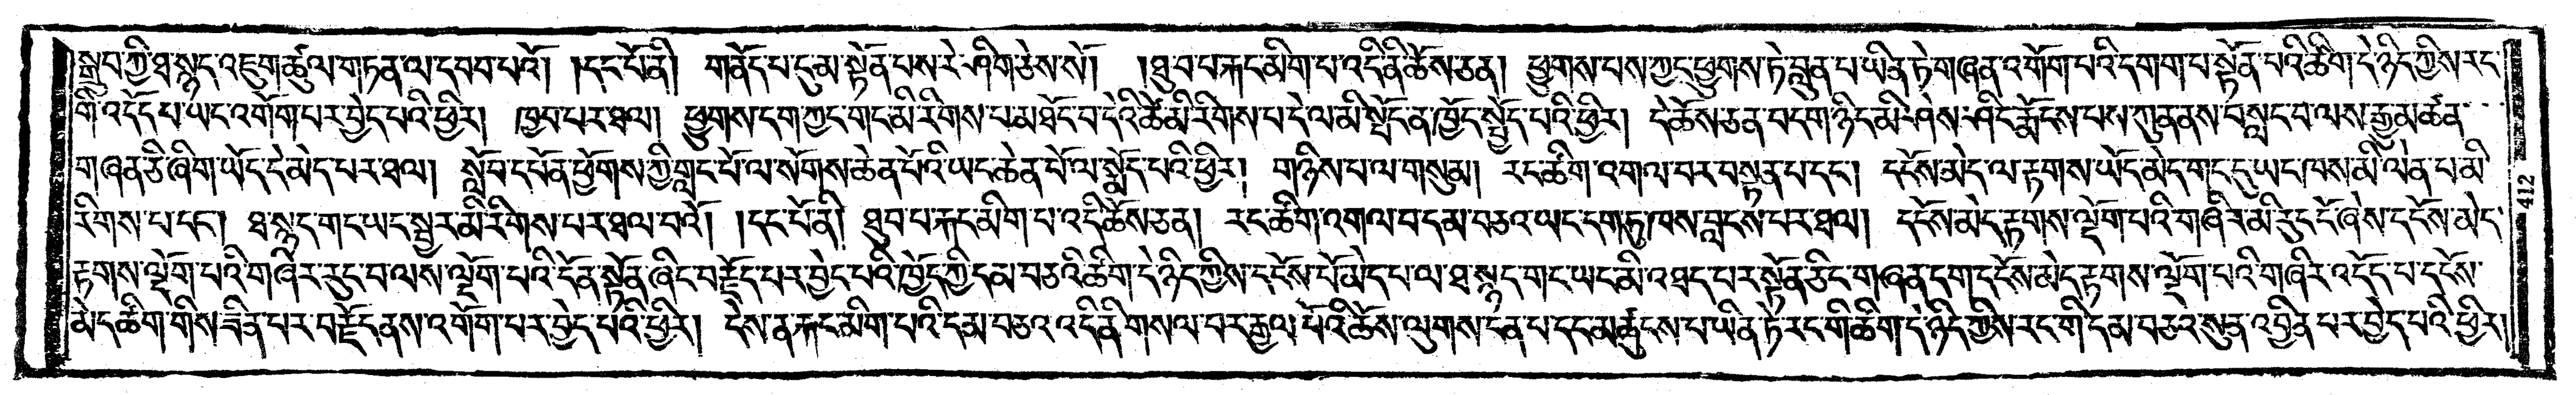སྒྲུབ་ཀྱི་ཐ་སྙད་འཇུག་ཚུལ་གཏན་ལ་དབབ་པའོ། །དང་པོ་ནི། གནོད་པ་དུ་མ་སྟོན་པས་རེ་ཤིག་ཅེས་སོ། །ཐུབ་པ་རྐང་མིག་པ་འདི་ནི་ཆོས་ཅན། ཕྱུགས་པས་ཀྱང་ཕྱུགས་ཏེ་བླུན་པ་ཡིན་ཏེ་གཞན་འགོག་པའི་དགག་པ་སྟོན་པའི་ཚིག་དེ་ཉིད་ཀྱིས་རང་
གི་འདོད་པ་ཡང་འགོག་པར་བྱེད་པའི་ཕྱིར། ཁྱབ་པར་ཐལ། ཕྱུགས་དག་ཀྱང་གང་མི་རིགས་པ་མཐོང་བ་དེའི་ཚེ་མི་རིགས་པ་དེ་ལ་མི་སྤོང་ན་ཁྱོད་སྤྱོད་པའི་ཕྱིར། དེ་ཆོས་ཅན་བདག་ཉིད་མི་ཤེས་ཤིང་རྨོངས་པས་ཀུན་ནས་བསླང་བ་ལས་རྒྱུ་མཚན་
གཞན་ཅི་ཞིག་ཡོད་དེ་མེད་པར་ཐལ། སློབ་དཔོན་ཕྱོགས་ཀྱི་བླང་པོ་ལ་སོགས་ཆེན་པོའི་ཡང་ཆེན་པོ་ལ་སྨོད་པའི་ཕྱིར། གཉིས་པ་ལ་གསུམ། རང་ཚིག་འགལ་བར་བསྟན་པ་དང་། དངོས་མེད་ལ་རྟགས་ཡོད་མེད་གང་དུ་ཡང་ཁས་མི་ལེན་པ་མི་
རིགས་པ་དང་། ཐ་སྙད་གང་ཡང་སྦྱར་མི་རིགས་པར་ཐལ་བའོ། །དང་པོ་ནི། ཐུབ་པ་རྐང་མིག་པ་འདི་ཆོས་ཅན། རང་ཚིག་འགལ་བ་དམ་བཅའ་ཡང་དག་ཏུ་ཁས་བླངས་པར་ཐལ། དངོས་མེད་རྟགས་ལྡོག་པའི་གཞིར་མི་རུང་ངོ་ཞེས་དངོས་མེད་
རྟགས་ལྡོག་པའི་གཞི་རུང་བ་ལས་ལྡོག་པའི་དོན་སྟོན་ཞིང་བརྗོད་པར་བྱེད་པའི་ཁྱོད་ཀྱི་དམ་བཅའི་ཚིག་དེ་ཉིད་ཀྱིས་དངོས་པོ་མེད་པ་ལ་ཐ་སྙད་གང་ཡང་མི་འཐད་པར་སྟོན་ཅིང་གཞན་དག་དངོས་མེད་རྟགས་ལྡོག་པའི་གཞིར་འདོད་པ་དངོས་
མེད་ཚིག་གིས་ཟིན་པར་བརྗོད་ནས་འགོག་པར་བྱེད་པའི་ཕྱིར། དེས་ན་རྐང་མིག་པའི་དམ་བཅའ་འདི་ནི་གསལ་བར་རྒྱལ་པོའི་ཆོས་ལུགས་ངན་པ་དང་མཚུངས་པ་ཡིན་ཏེ་རང་གི་ཚིག་དེ་ཉིད་ཀྱིས་རང་གི་དམ་བཅའ་སུན་འབྱིན་པར་བྱེད་པའི་ཕྱིར།